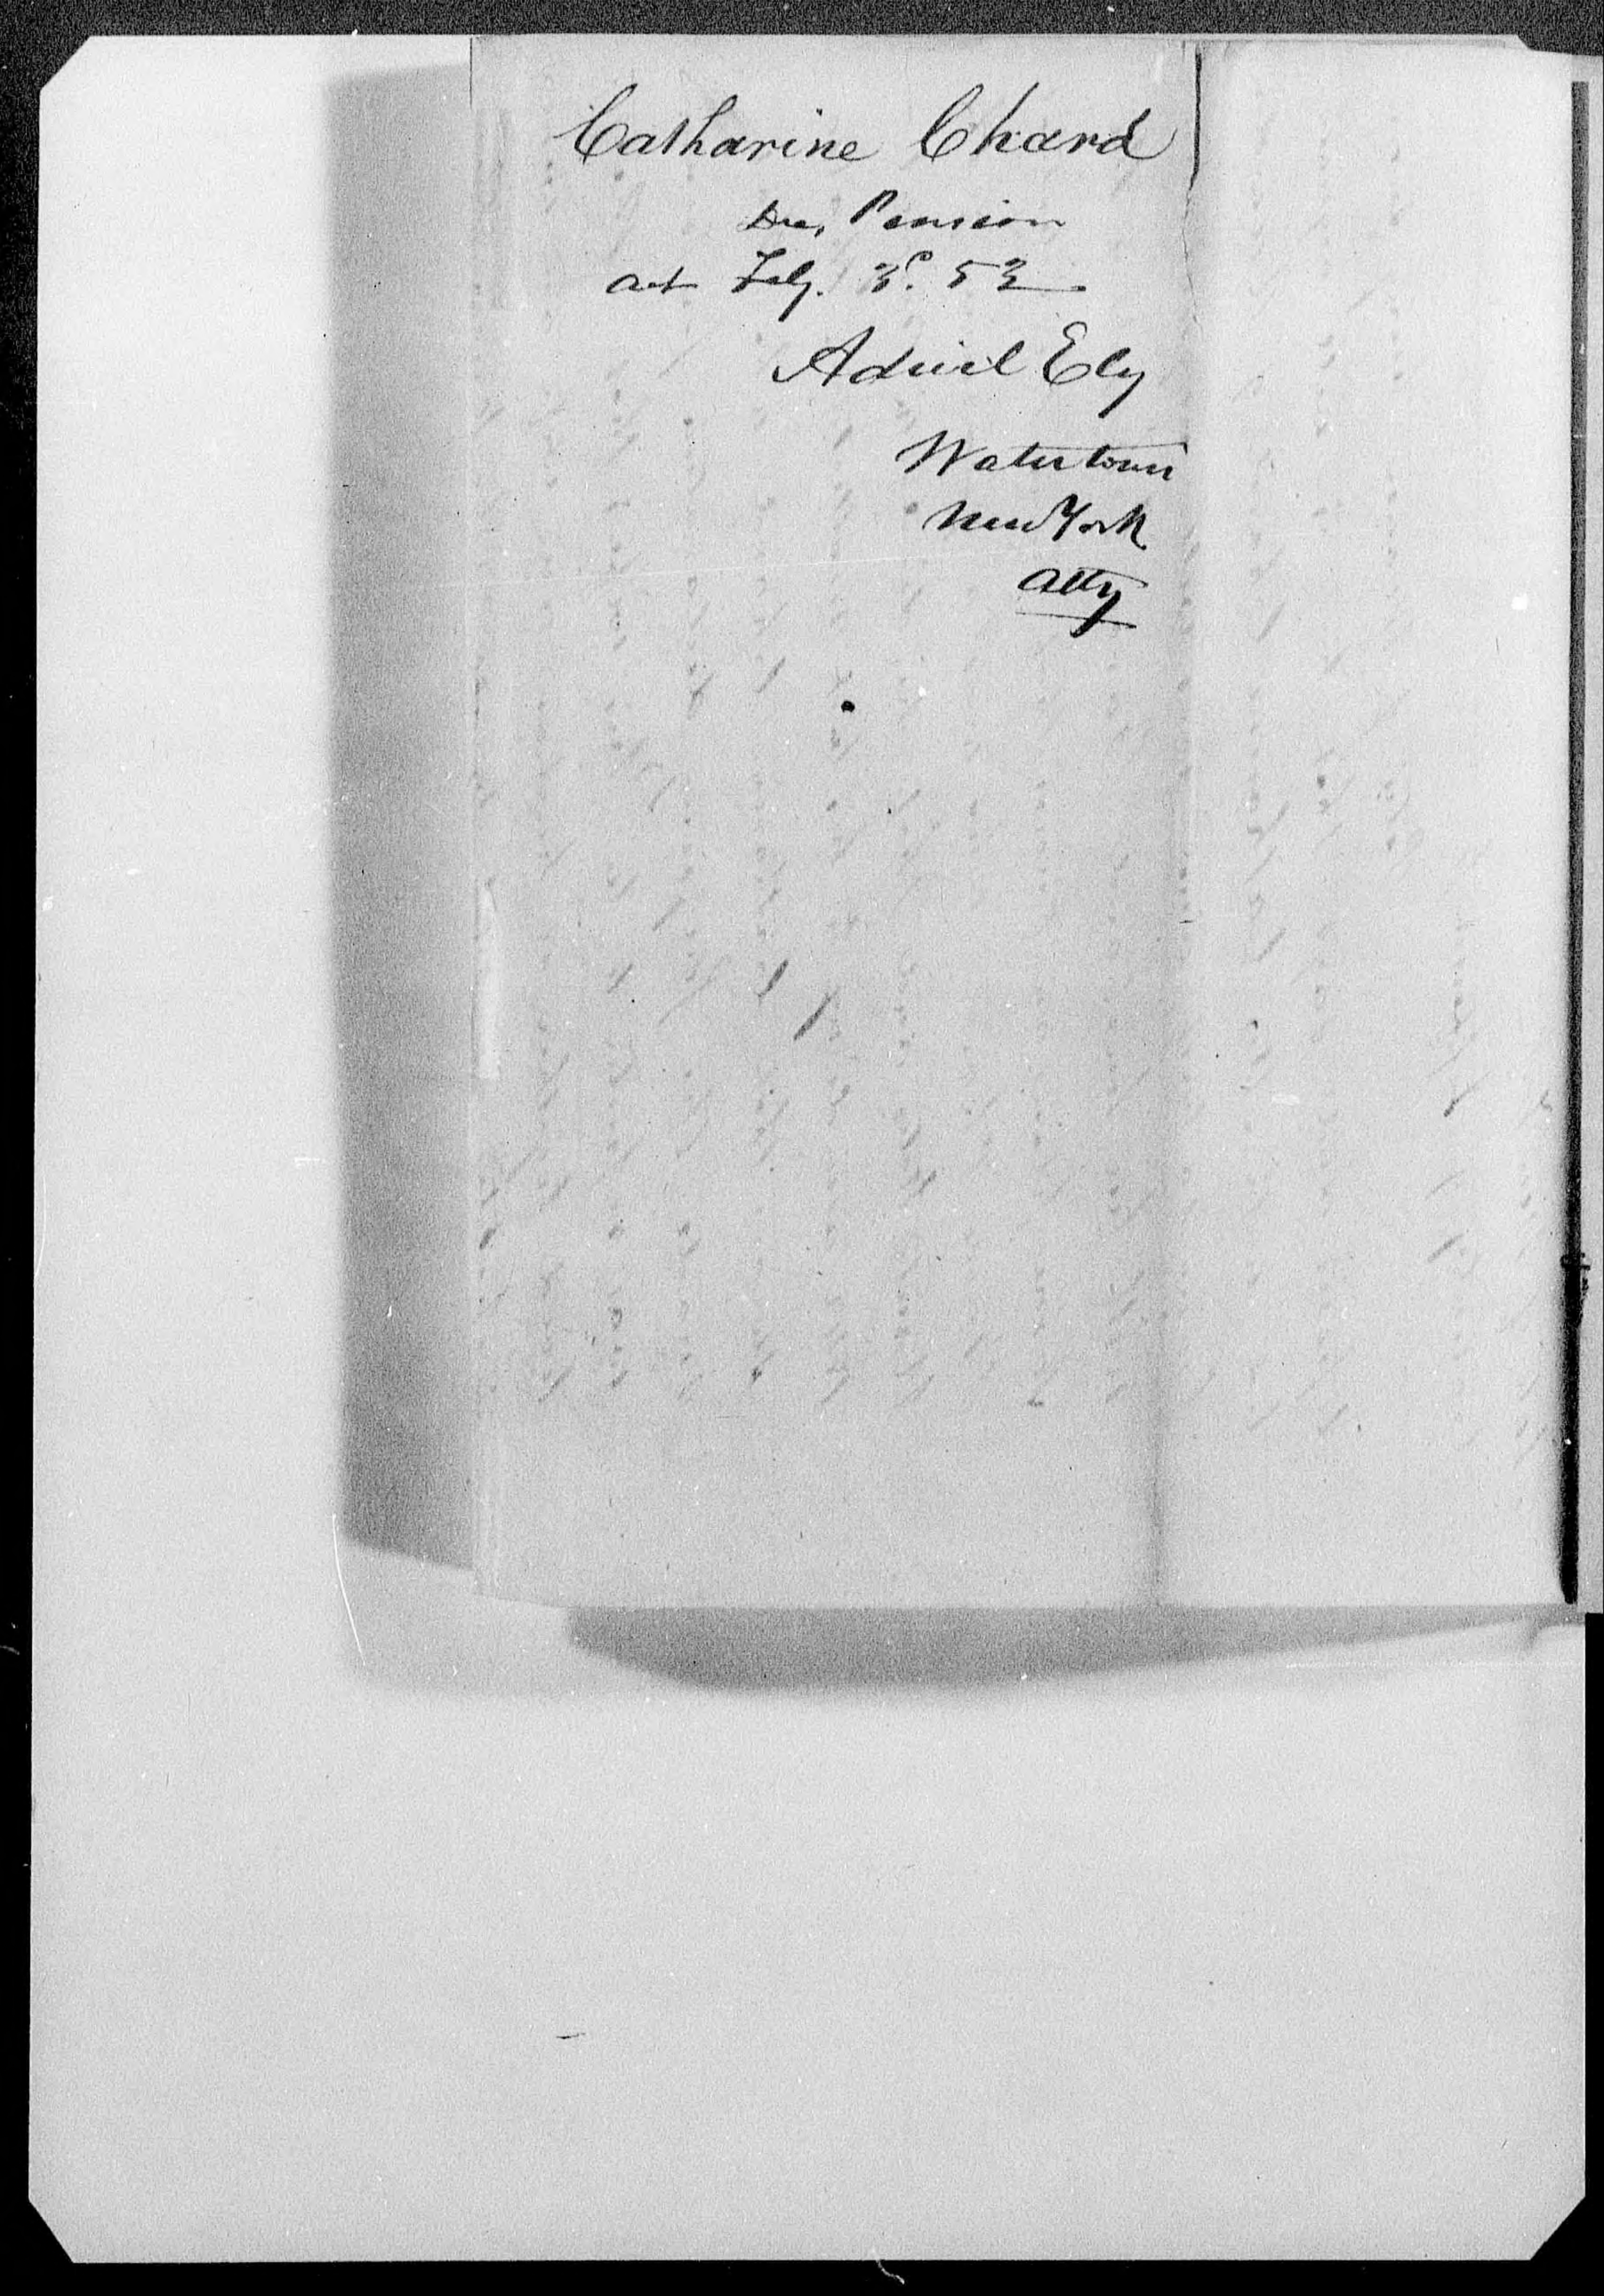Catharine Chard
Dec [?] Pension
Act Feby 3d 53
Adriel Ely
Watertown
New York
Atty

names: Adriel Ely, Catharine Chard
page: 12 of 47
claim: widow's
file: W. 10,602, Barce Chard, New York.